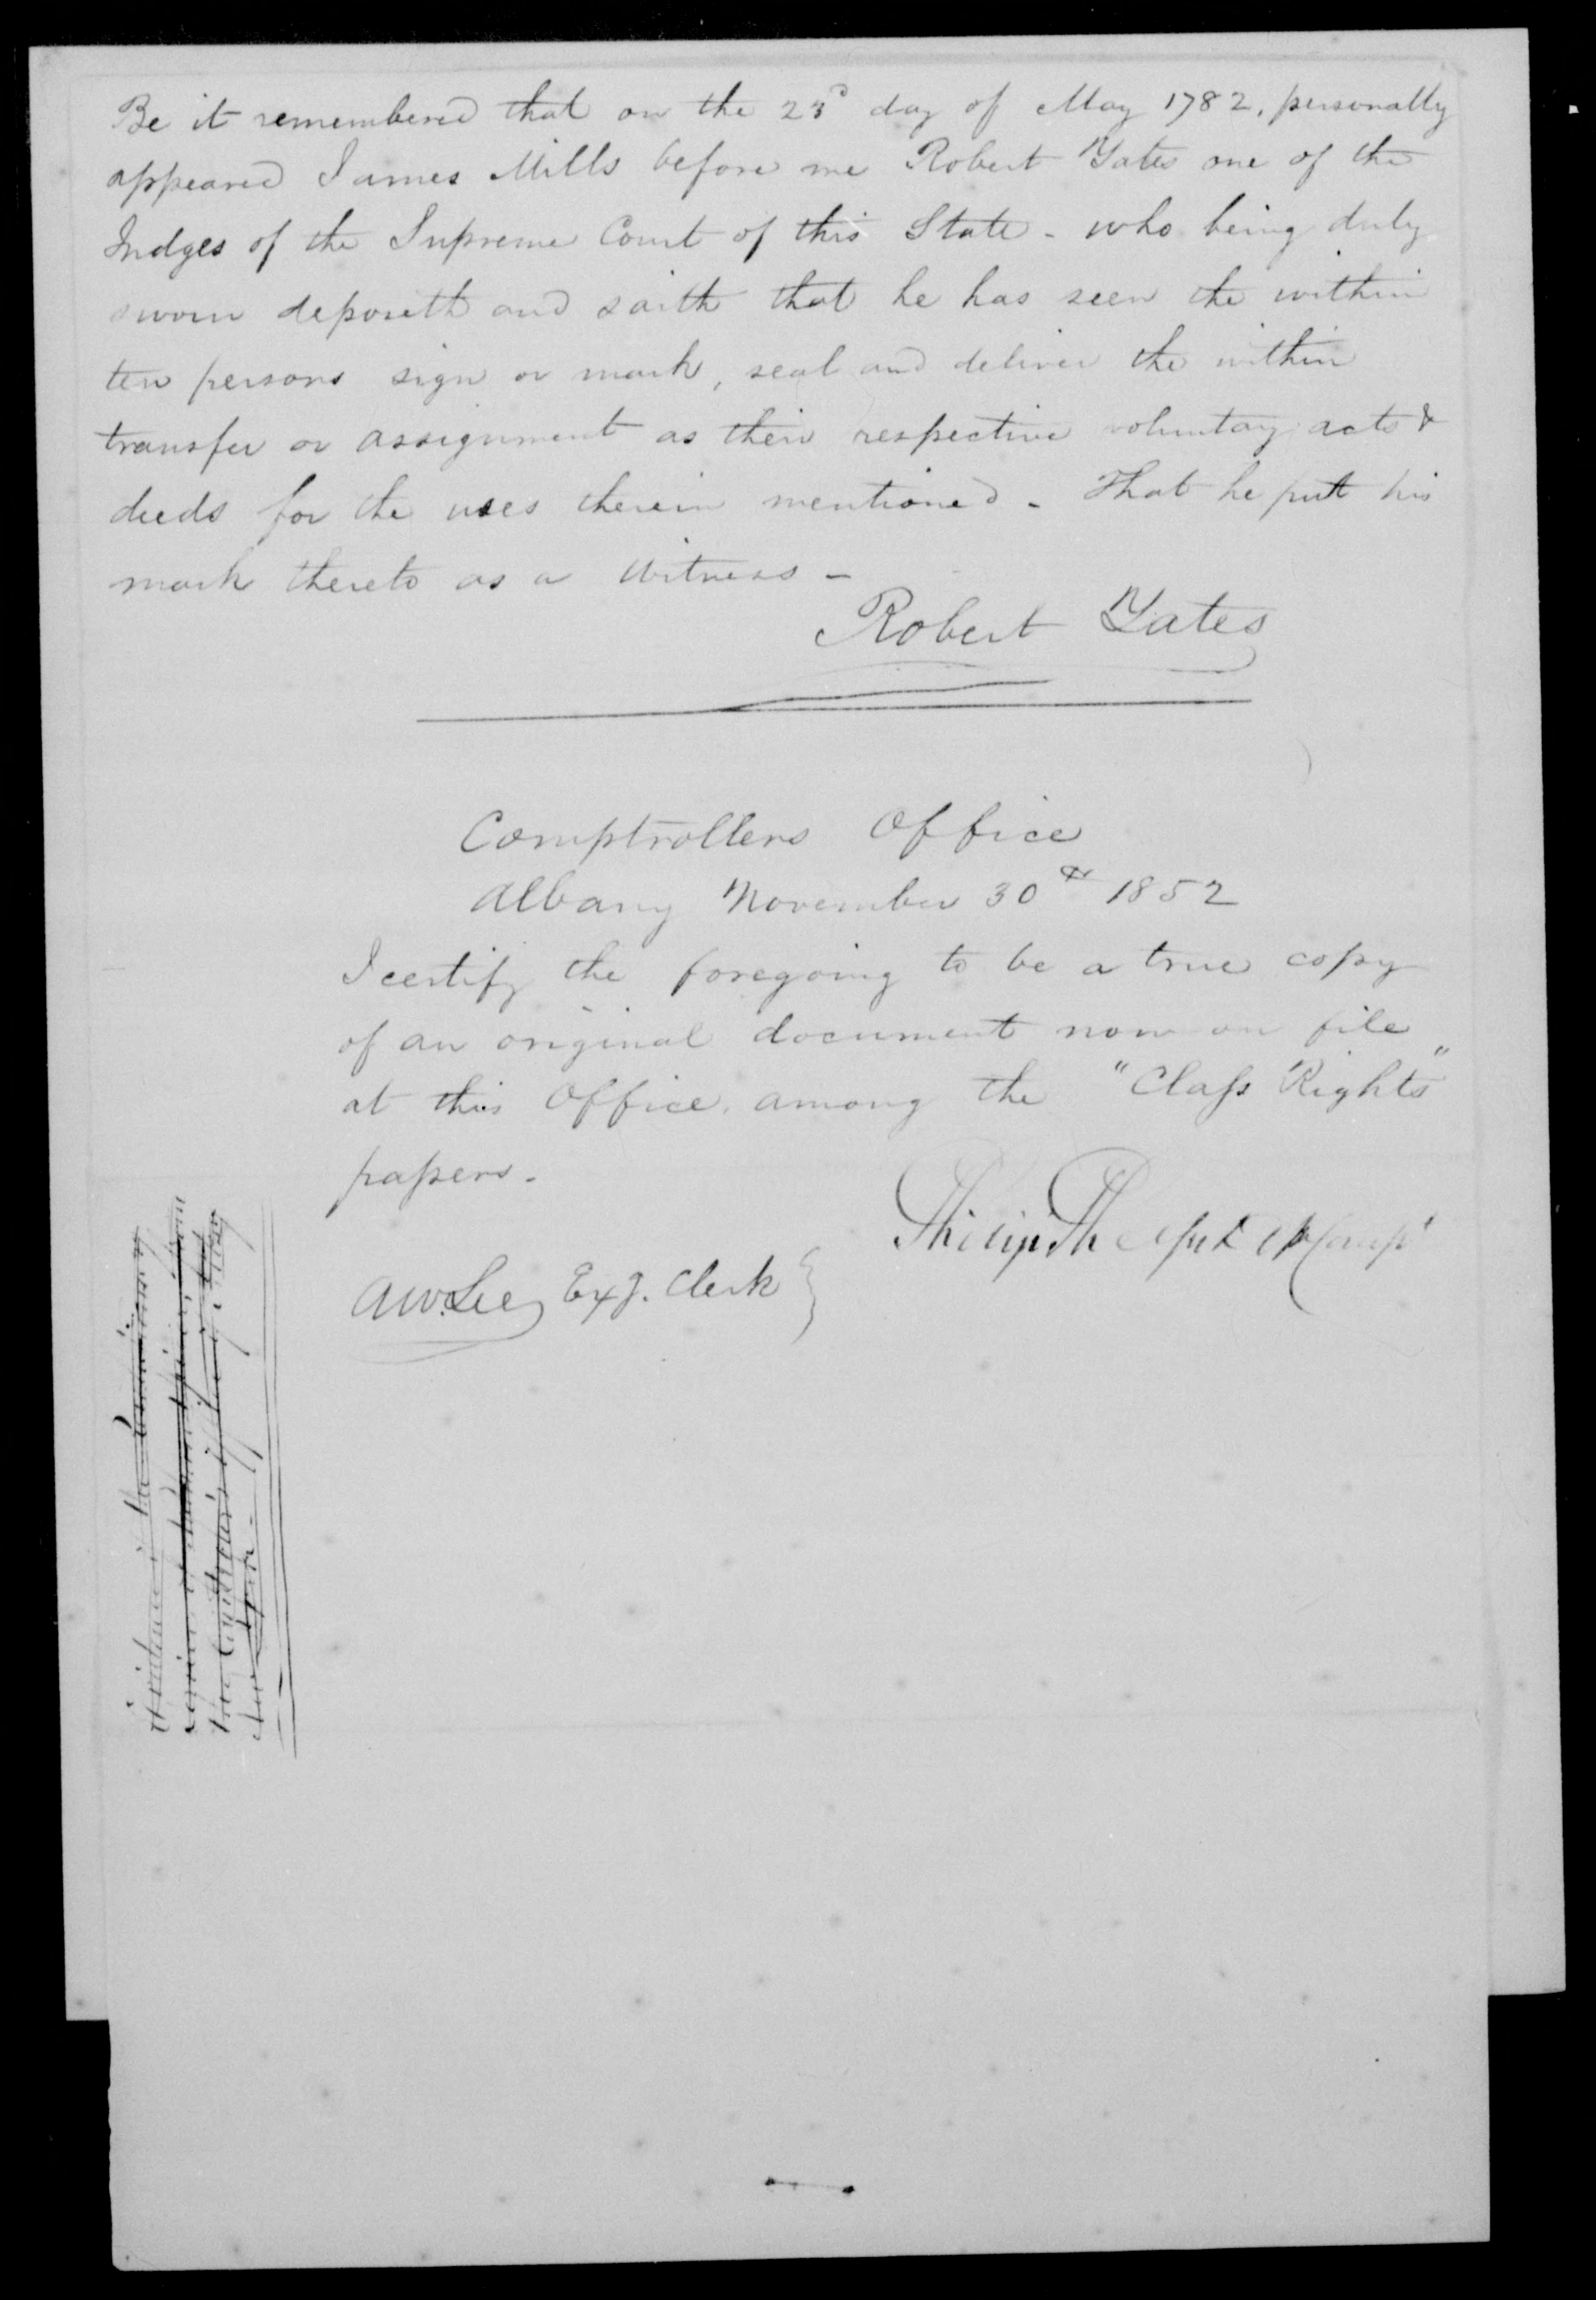Be it remembered that on the 23d day of May 1782, personally appeared James Mills before me Robert Yates one of the Judges of the Supreme Court of this State, who being duly sworn deposeth and saith that he has seen the within ten persons sign or mark, seal and deliver the within transfer or assignment as their respective voluntary acts & deeds for the uses therein mentioned. That he put his mark thereto as a witness. Robert Yates

Comptrollers Office
Albany November 30th 1852
I certify that foregoing to be a true copy of an original document now on file at this office, among the "Class Rights" papers.
Philip Phelps Dep Compt.
A.W. Lee Ex J. Clerk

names: Philip Phelps; James Mills; A W Lee; Robert Yates; Robert Yates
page: 19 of 33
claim: rejected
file: R. 5603, for Nathan Spicer, New York